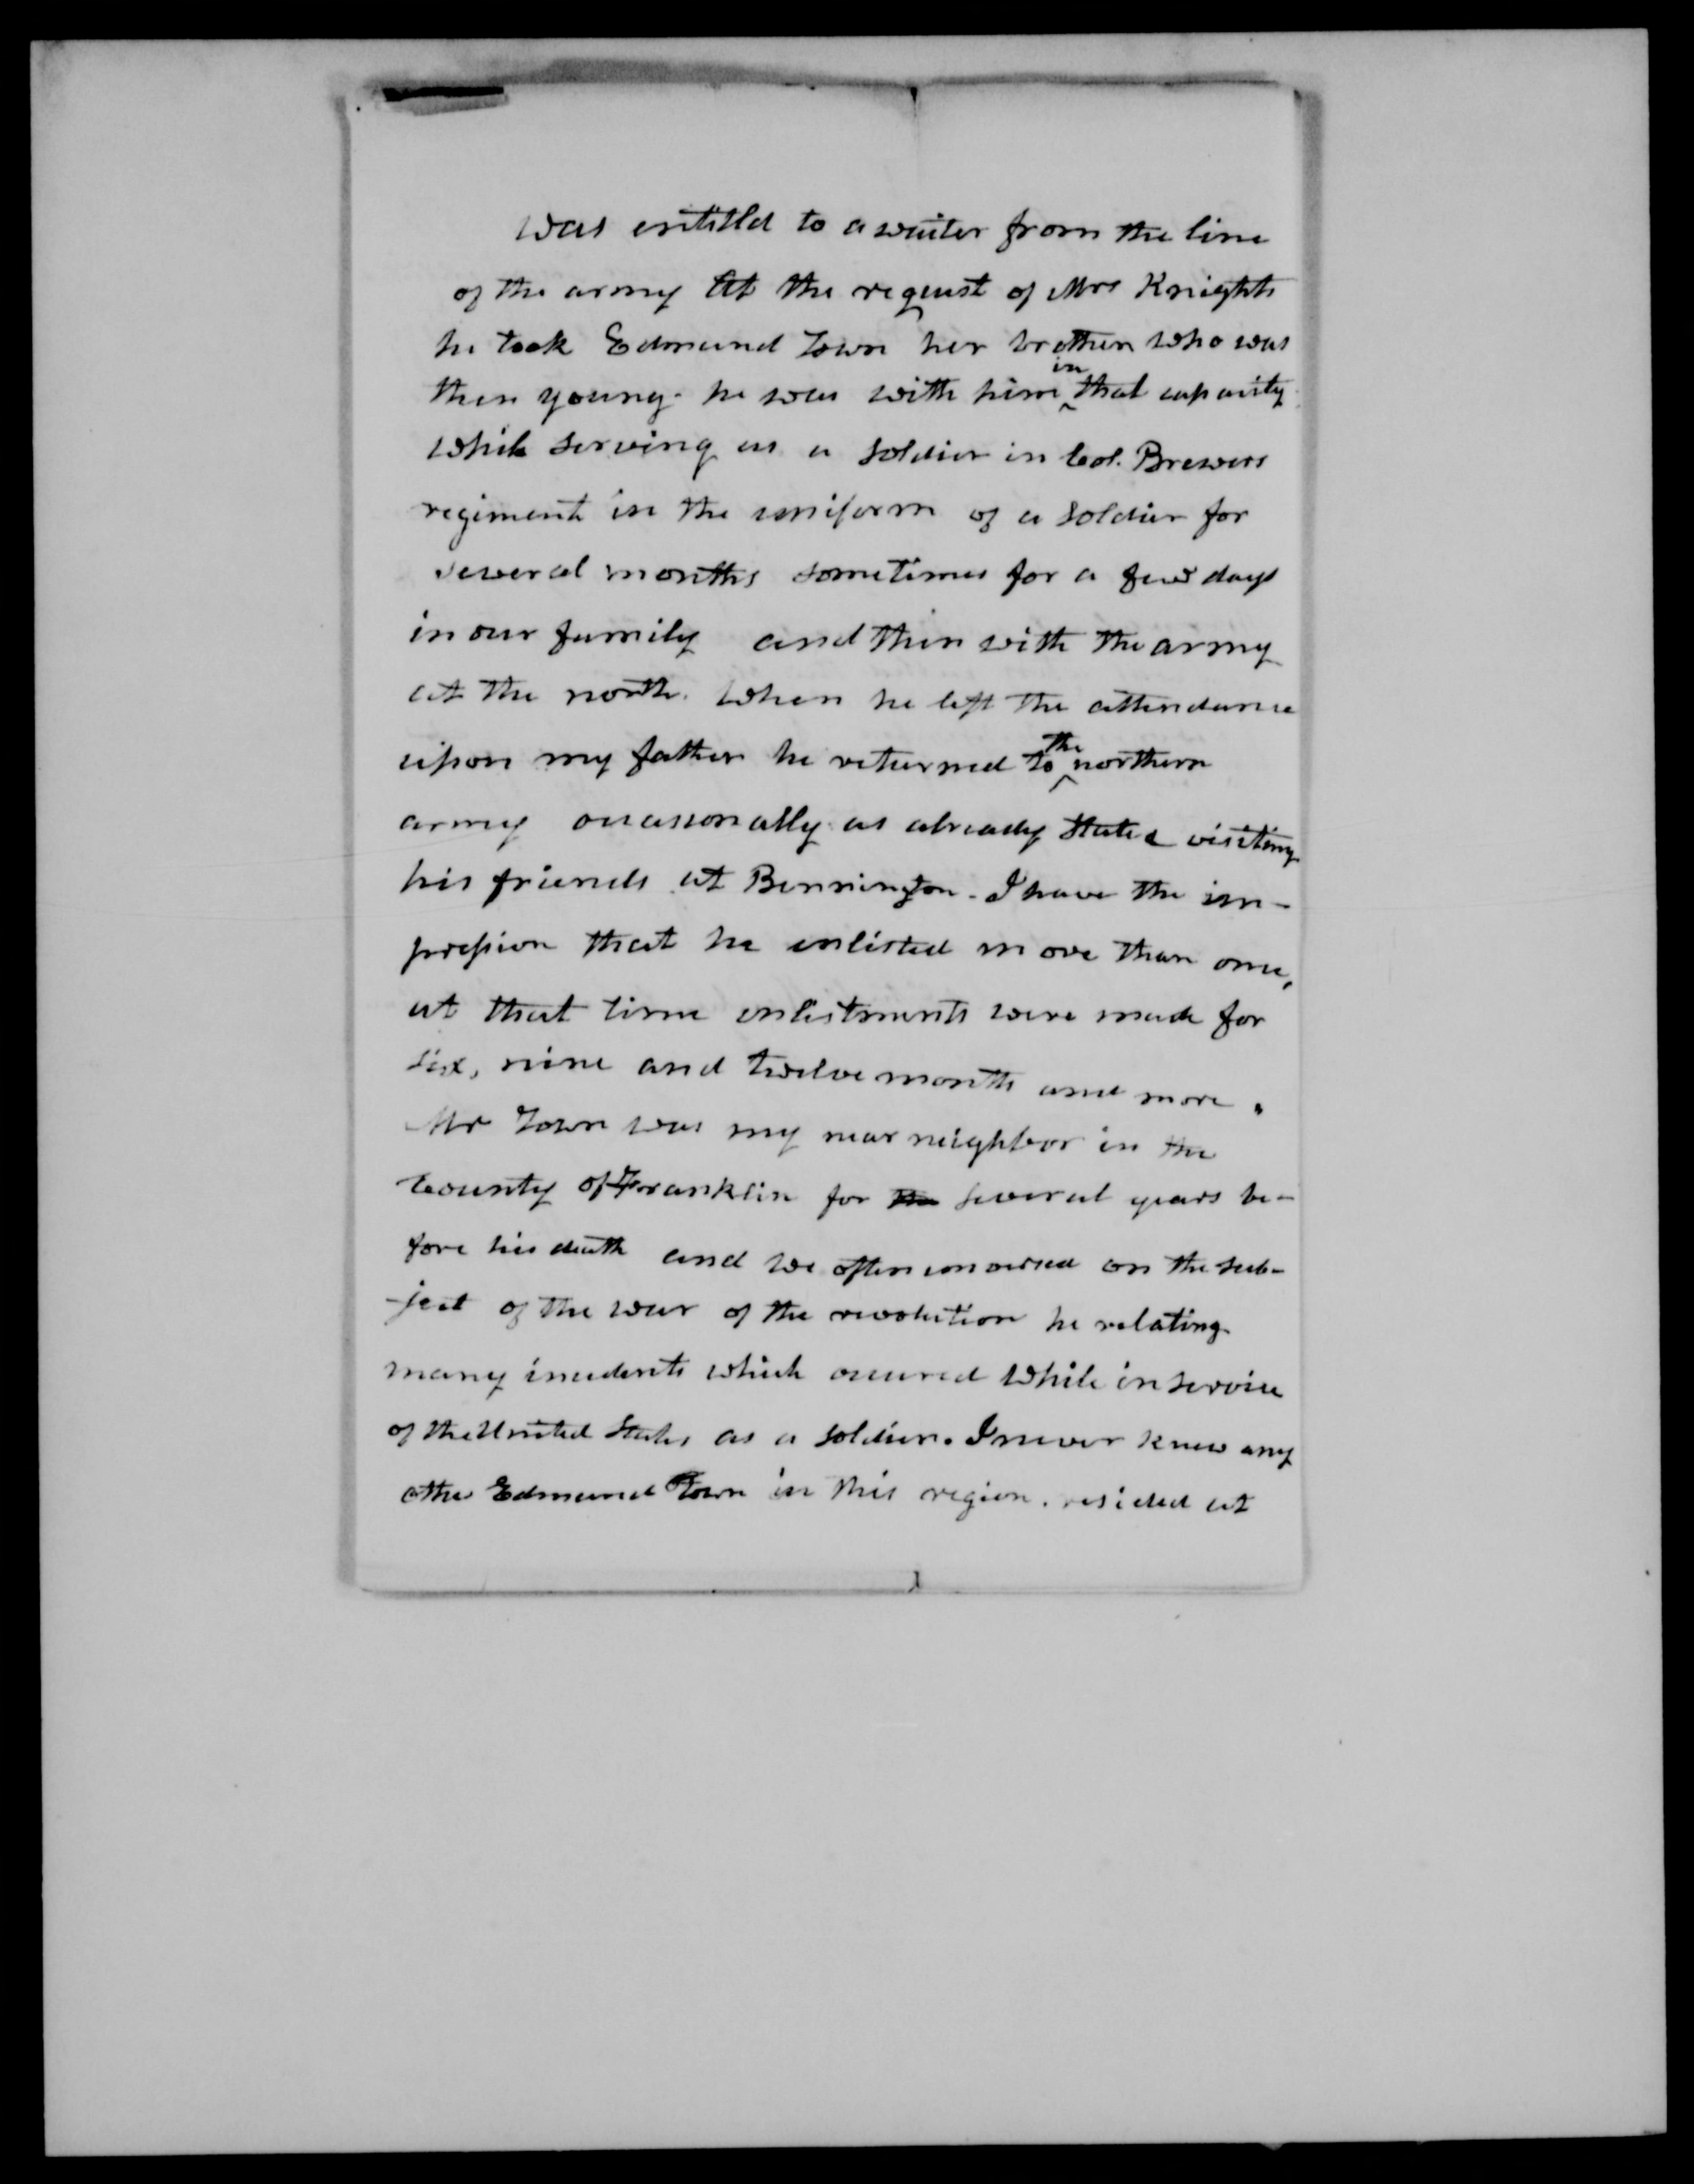was entitled to a waiter from the time of the army.  At the request of Mrs. Knight he took Edmund Town her brother who was then young. he was with him in that capacity while serving as a soldier in Col. Brewer's regiment in the uniform of a soldier for several months. Sometimes for a few days in our family and then with the army at the north. When he left the attendance upon my father he returned to the northern army occassionally as already stated visiting his friends at Bennington. I have the impression that he enlisted more than once, at that time enlistments were made for six, nine and twelve months and more. Mr. Town was my near neighbor in the County of Franklin for several years before his death and we often conversed on the subject of the war of the revolution he relating many incidents which occured while in service of the United States as a solder. I never knew any other Edmund Town in this region, resided at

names: Edmund Town, Knight, Town, Edmund Town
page: 40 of 64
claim: widow's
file: W. 5831, Edmund Town, Mass.